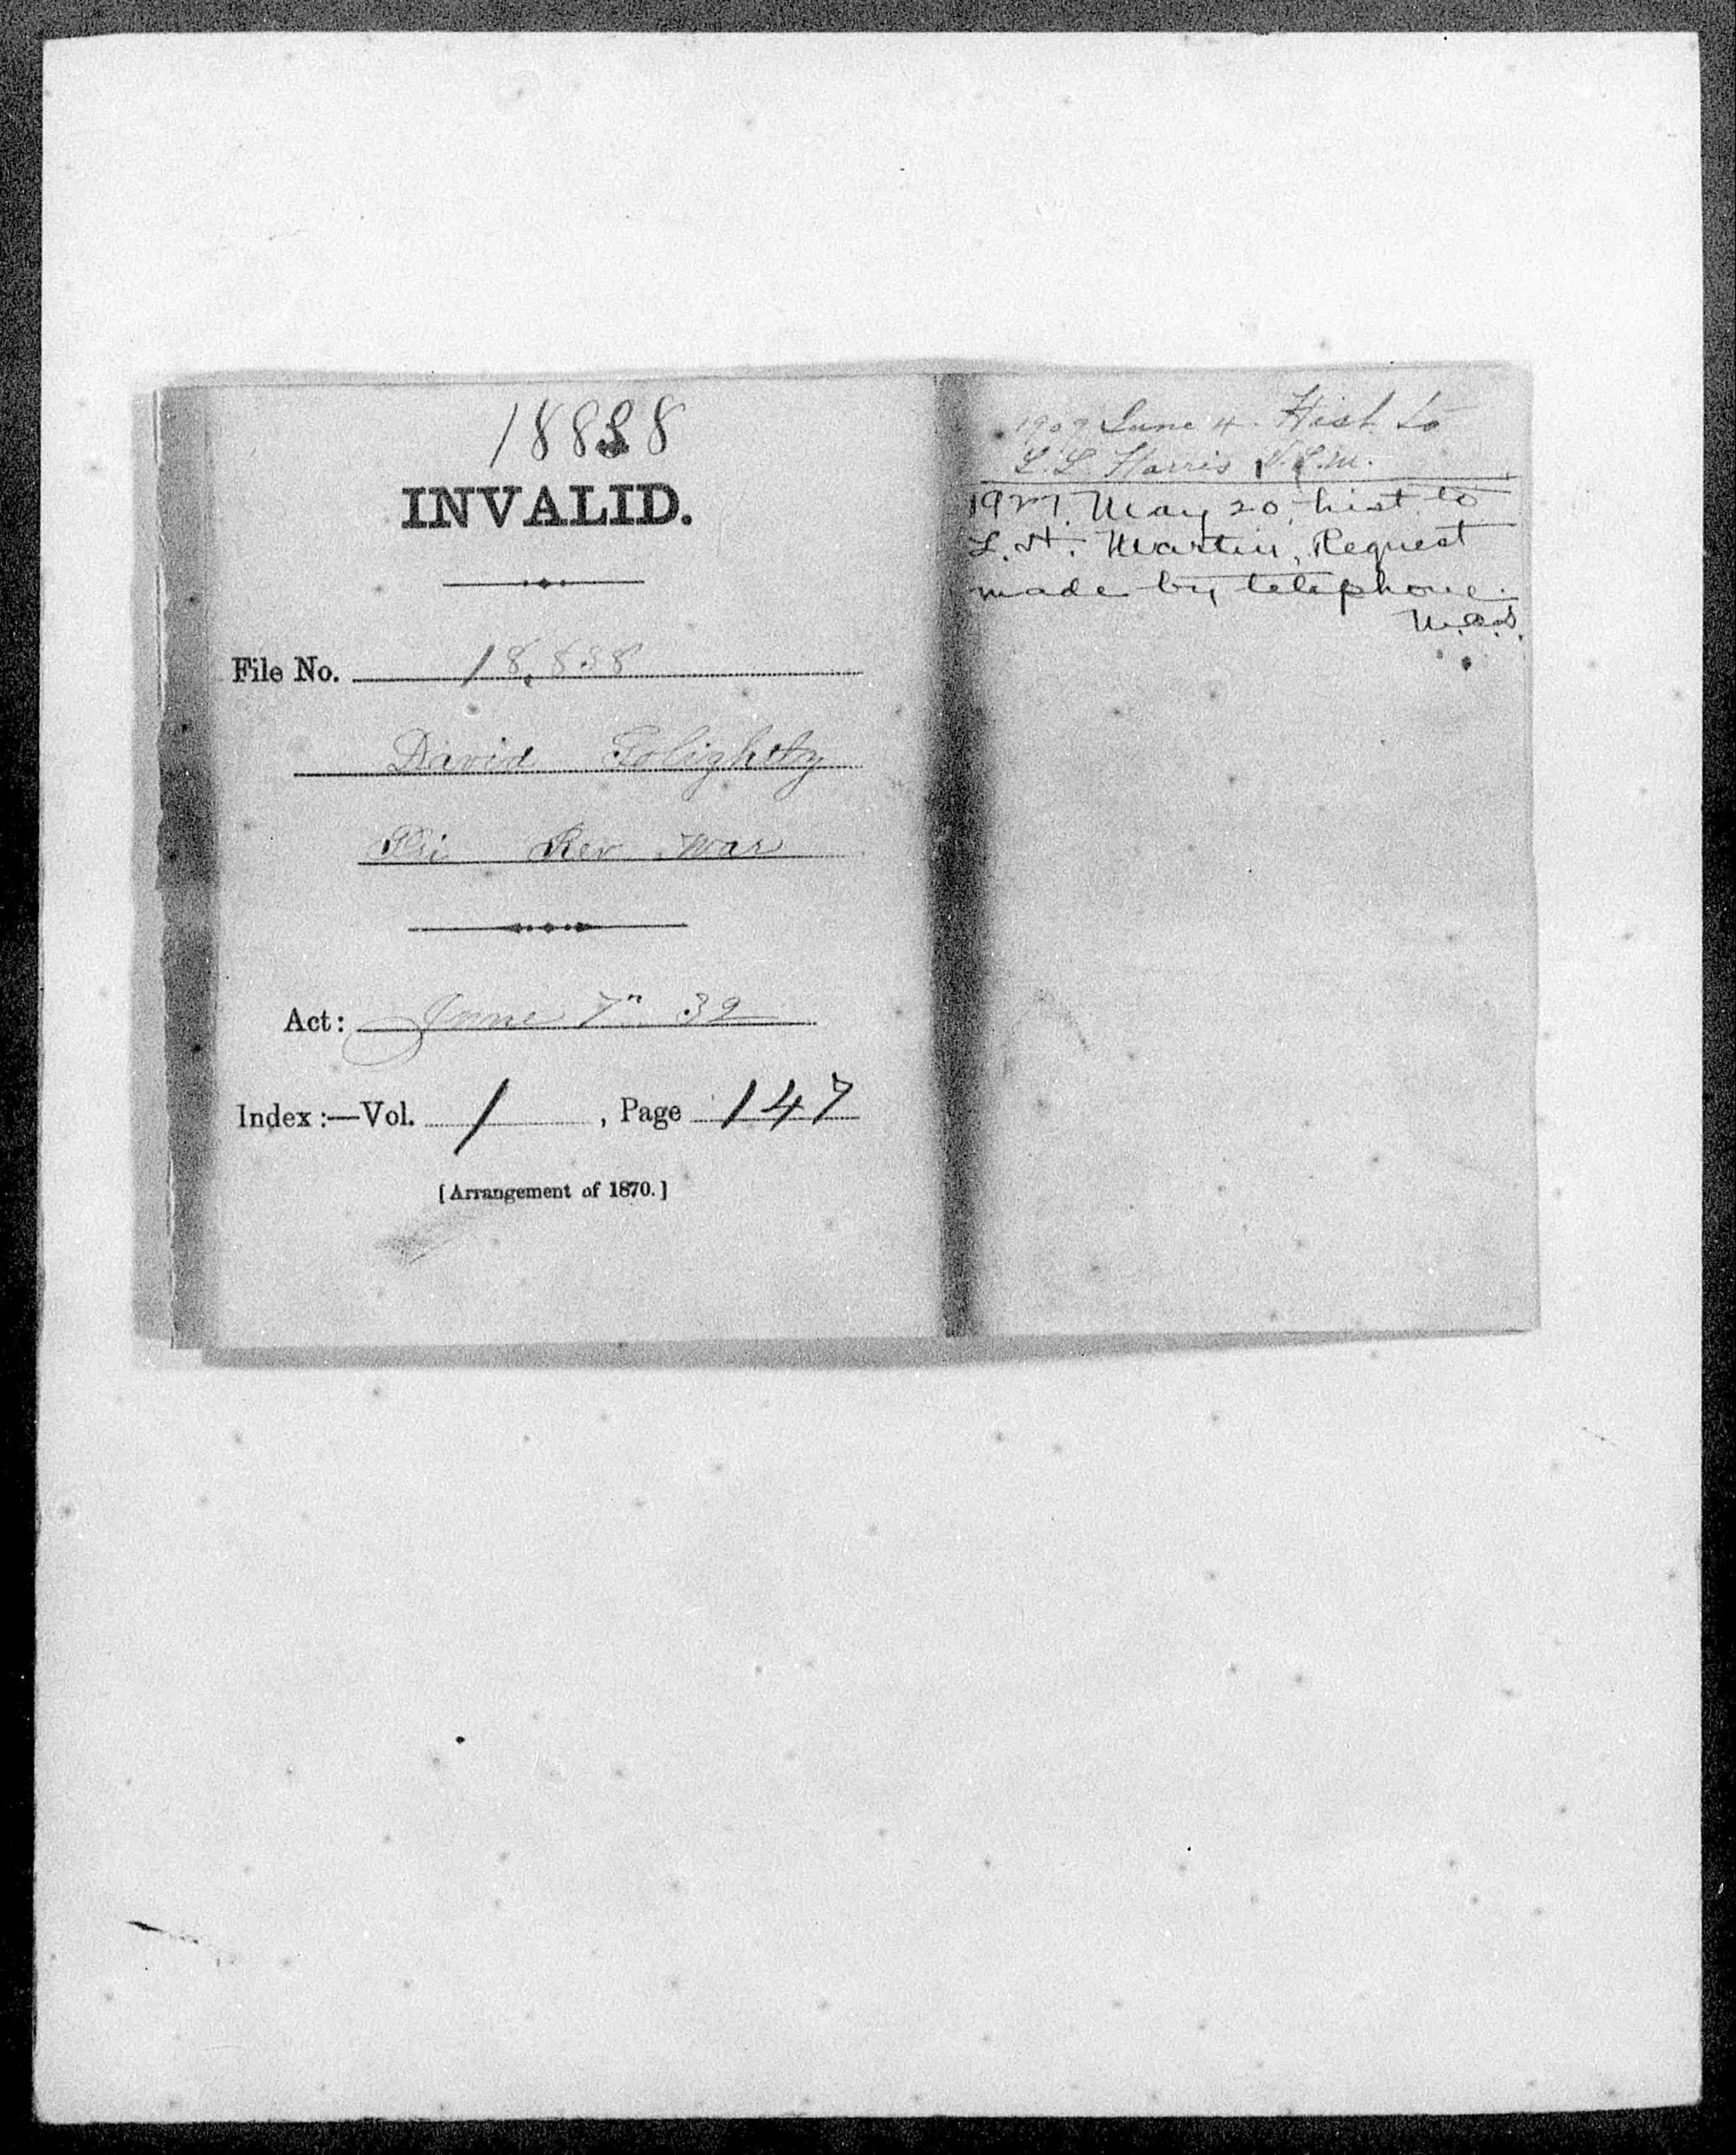18838
INVALID.
File No. 1888
David Golightly
Pre Rev War
---
Act: June 7th 32
Index: --Vol. 1, Page 147
[Arrangement of 1870.]

[Next Page] 1907 June 4. Hist to
L.L. Harris
┃ May 20 hist to
┃ L. H. Martin, Request
┃ made by telephone
W.A. S.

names: L L Harris, David Golightly, L H Martin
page: 17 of 57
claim: survivor's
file: S. 18888, David Golightly, S.C.